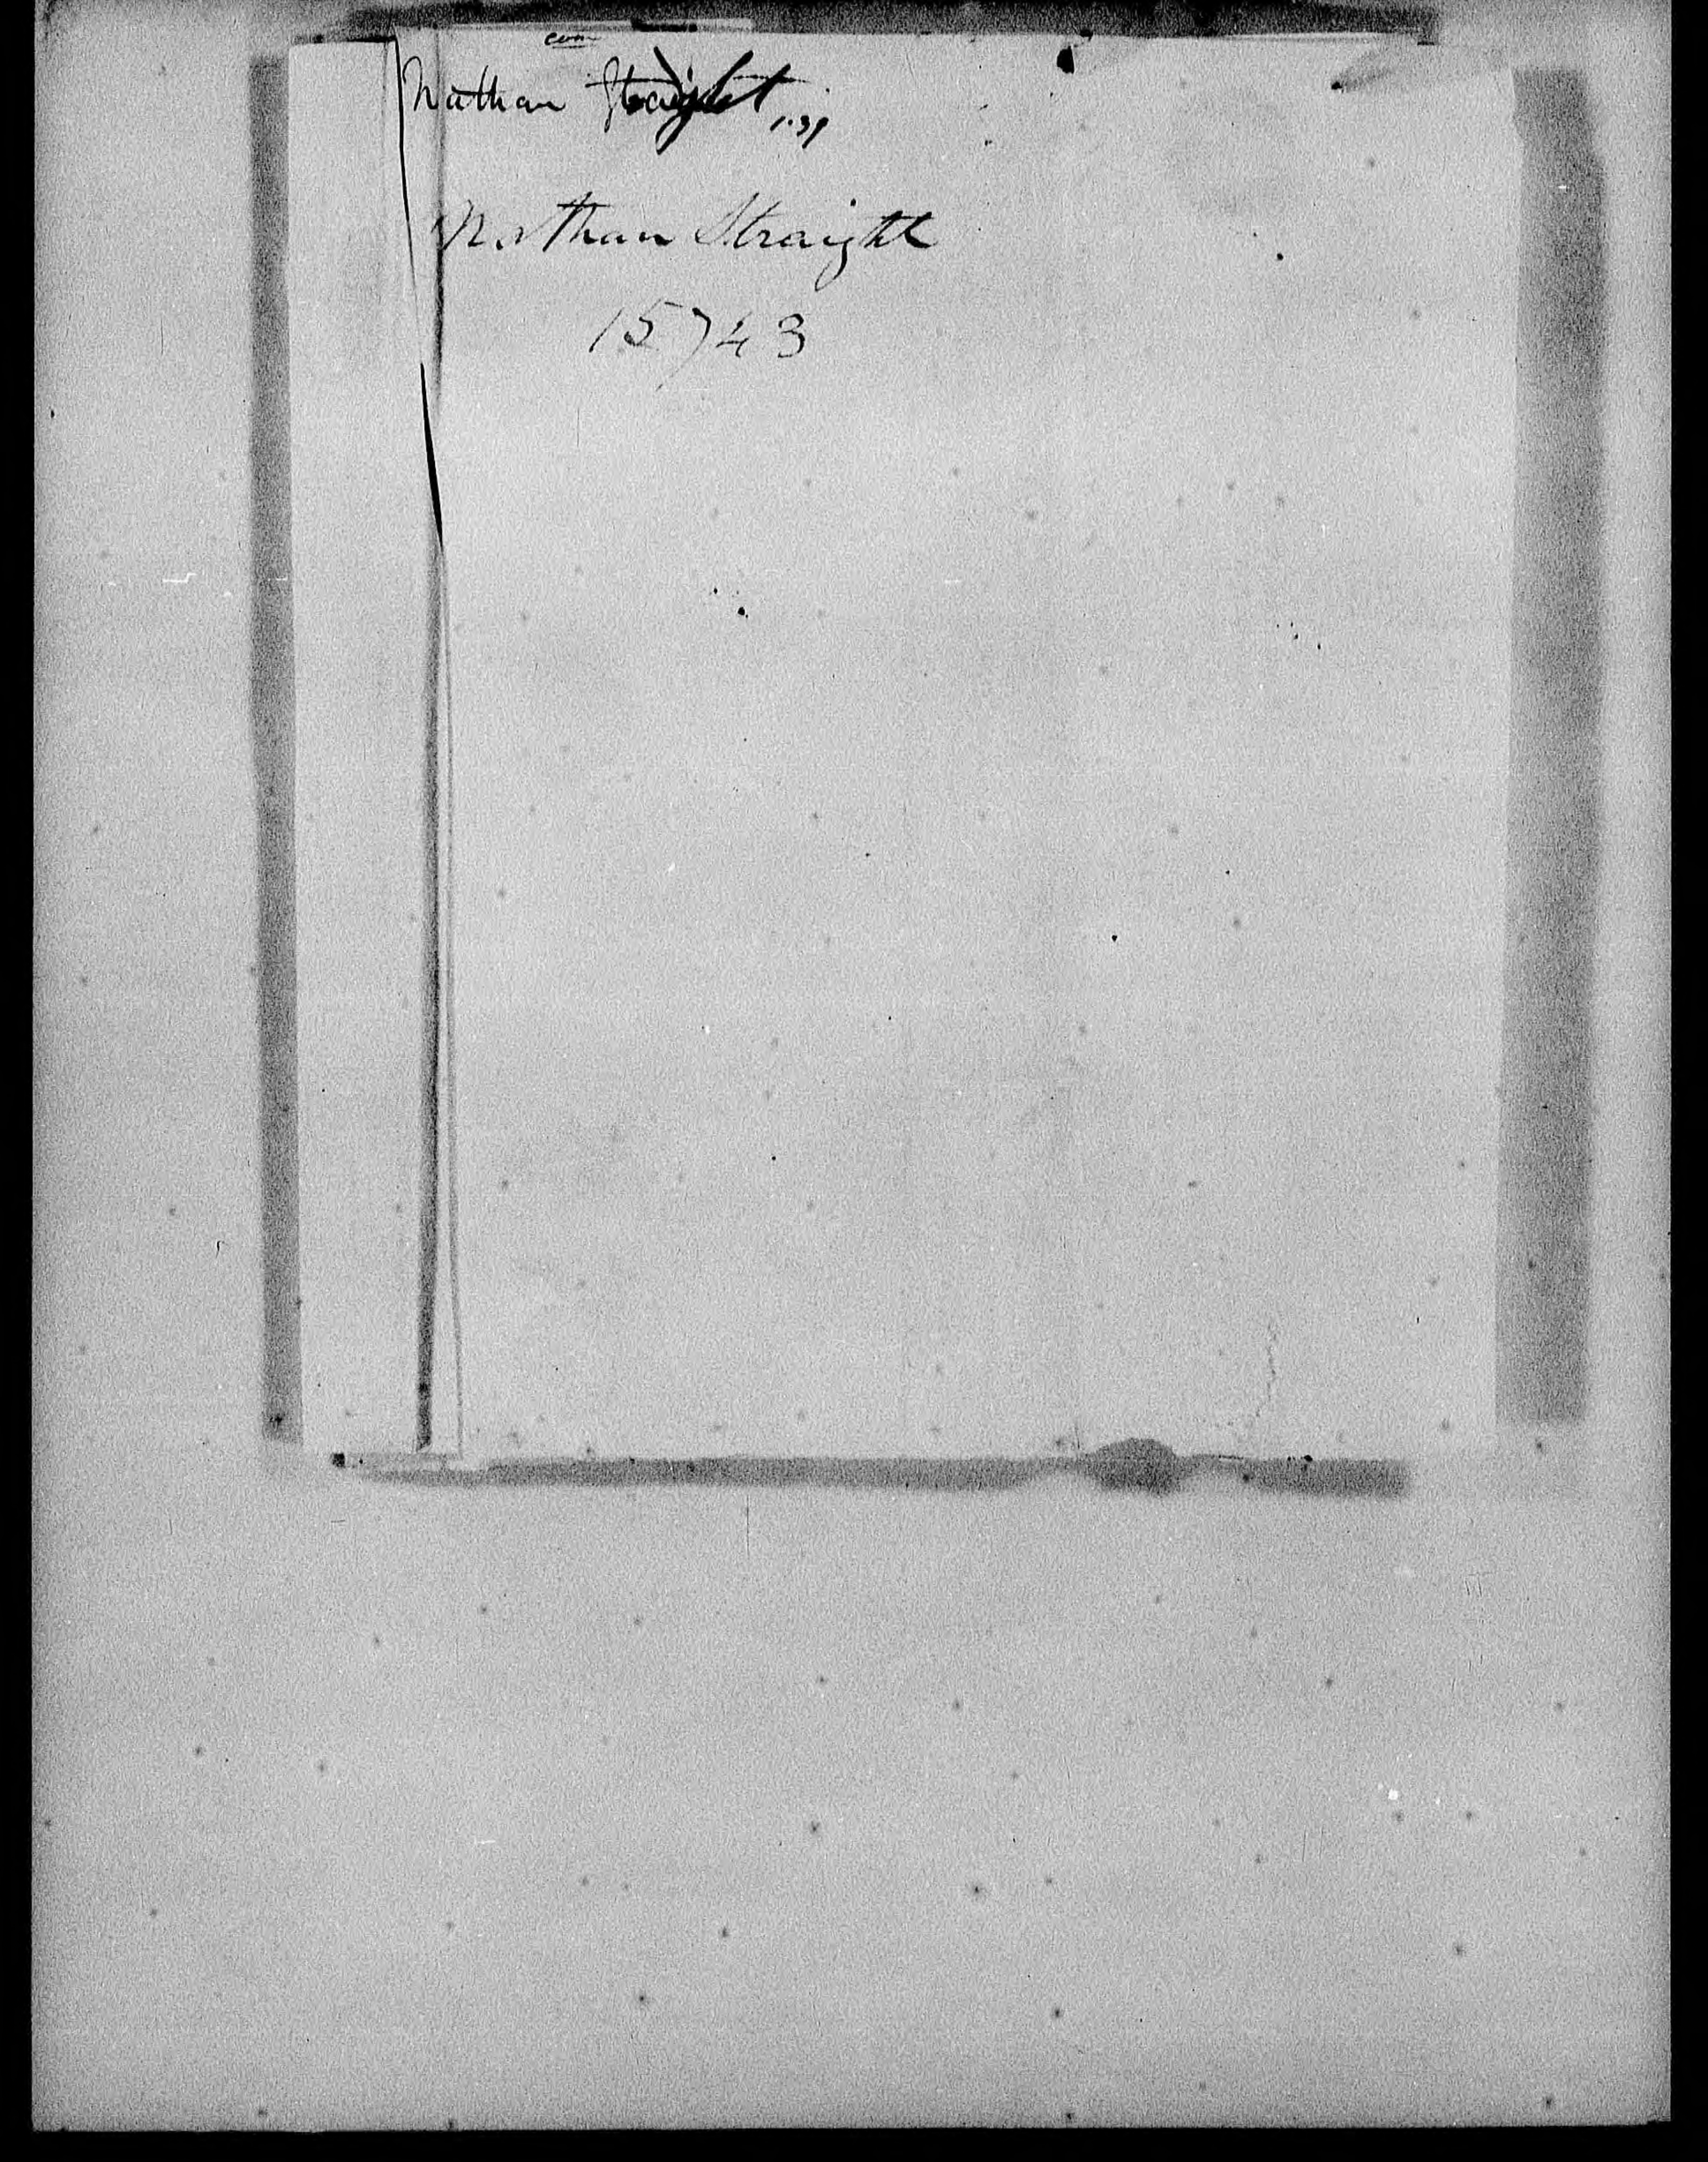Nathan Straight 
139
Nathan Straight
15743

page: 4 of 27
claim: survivor's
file: S. 21,516, for Nathan Straight, Rhode Island